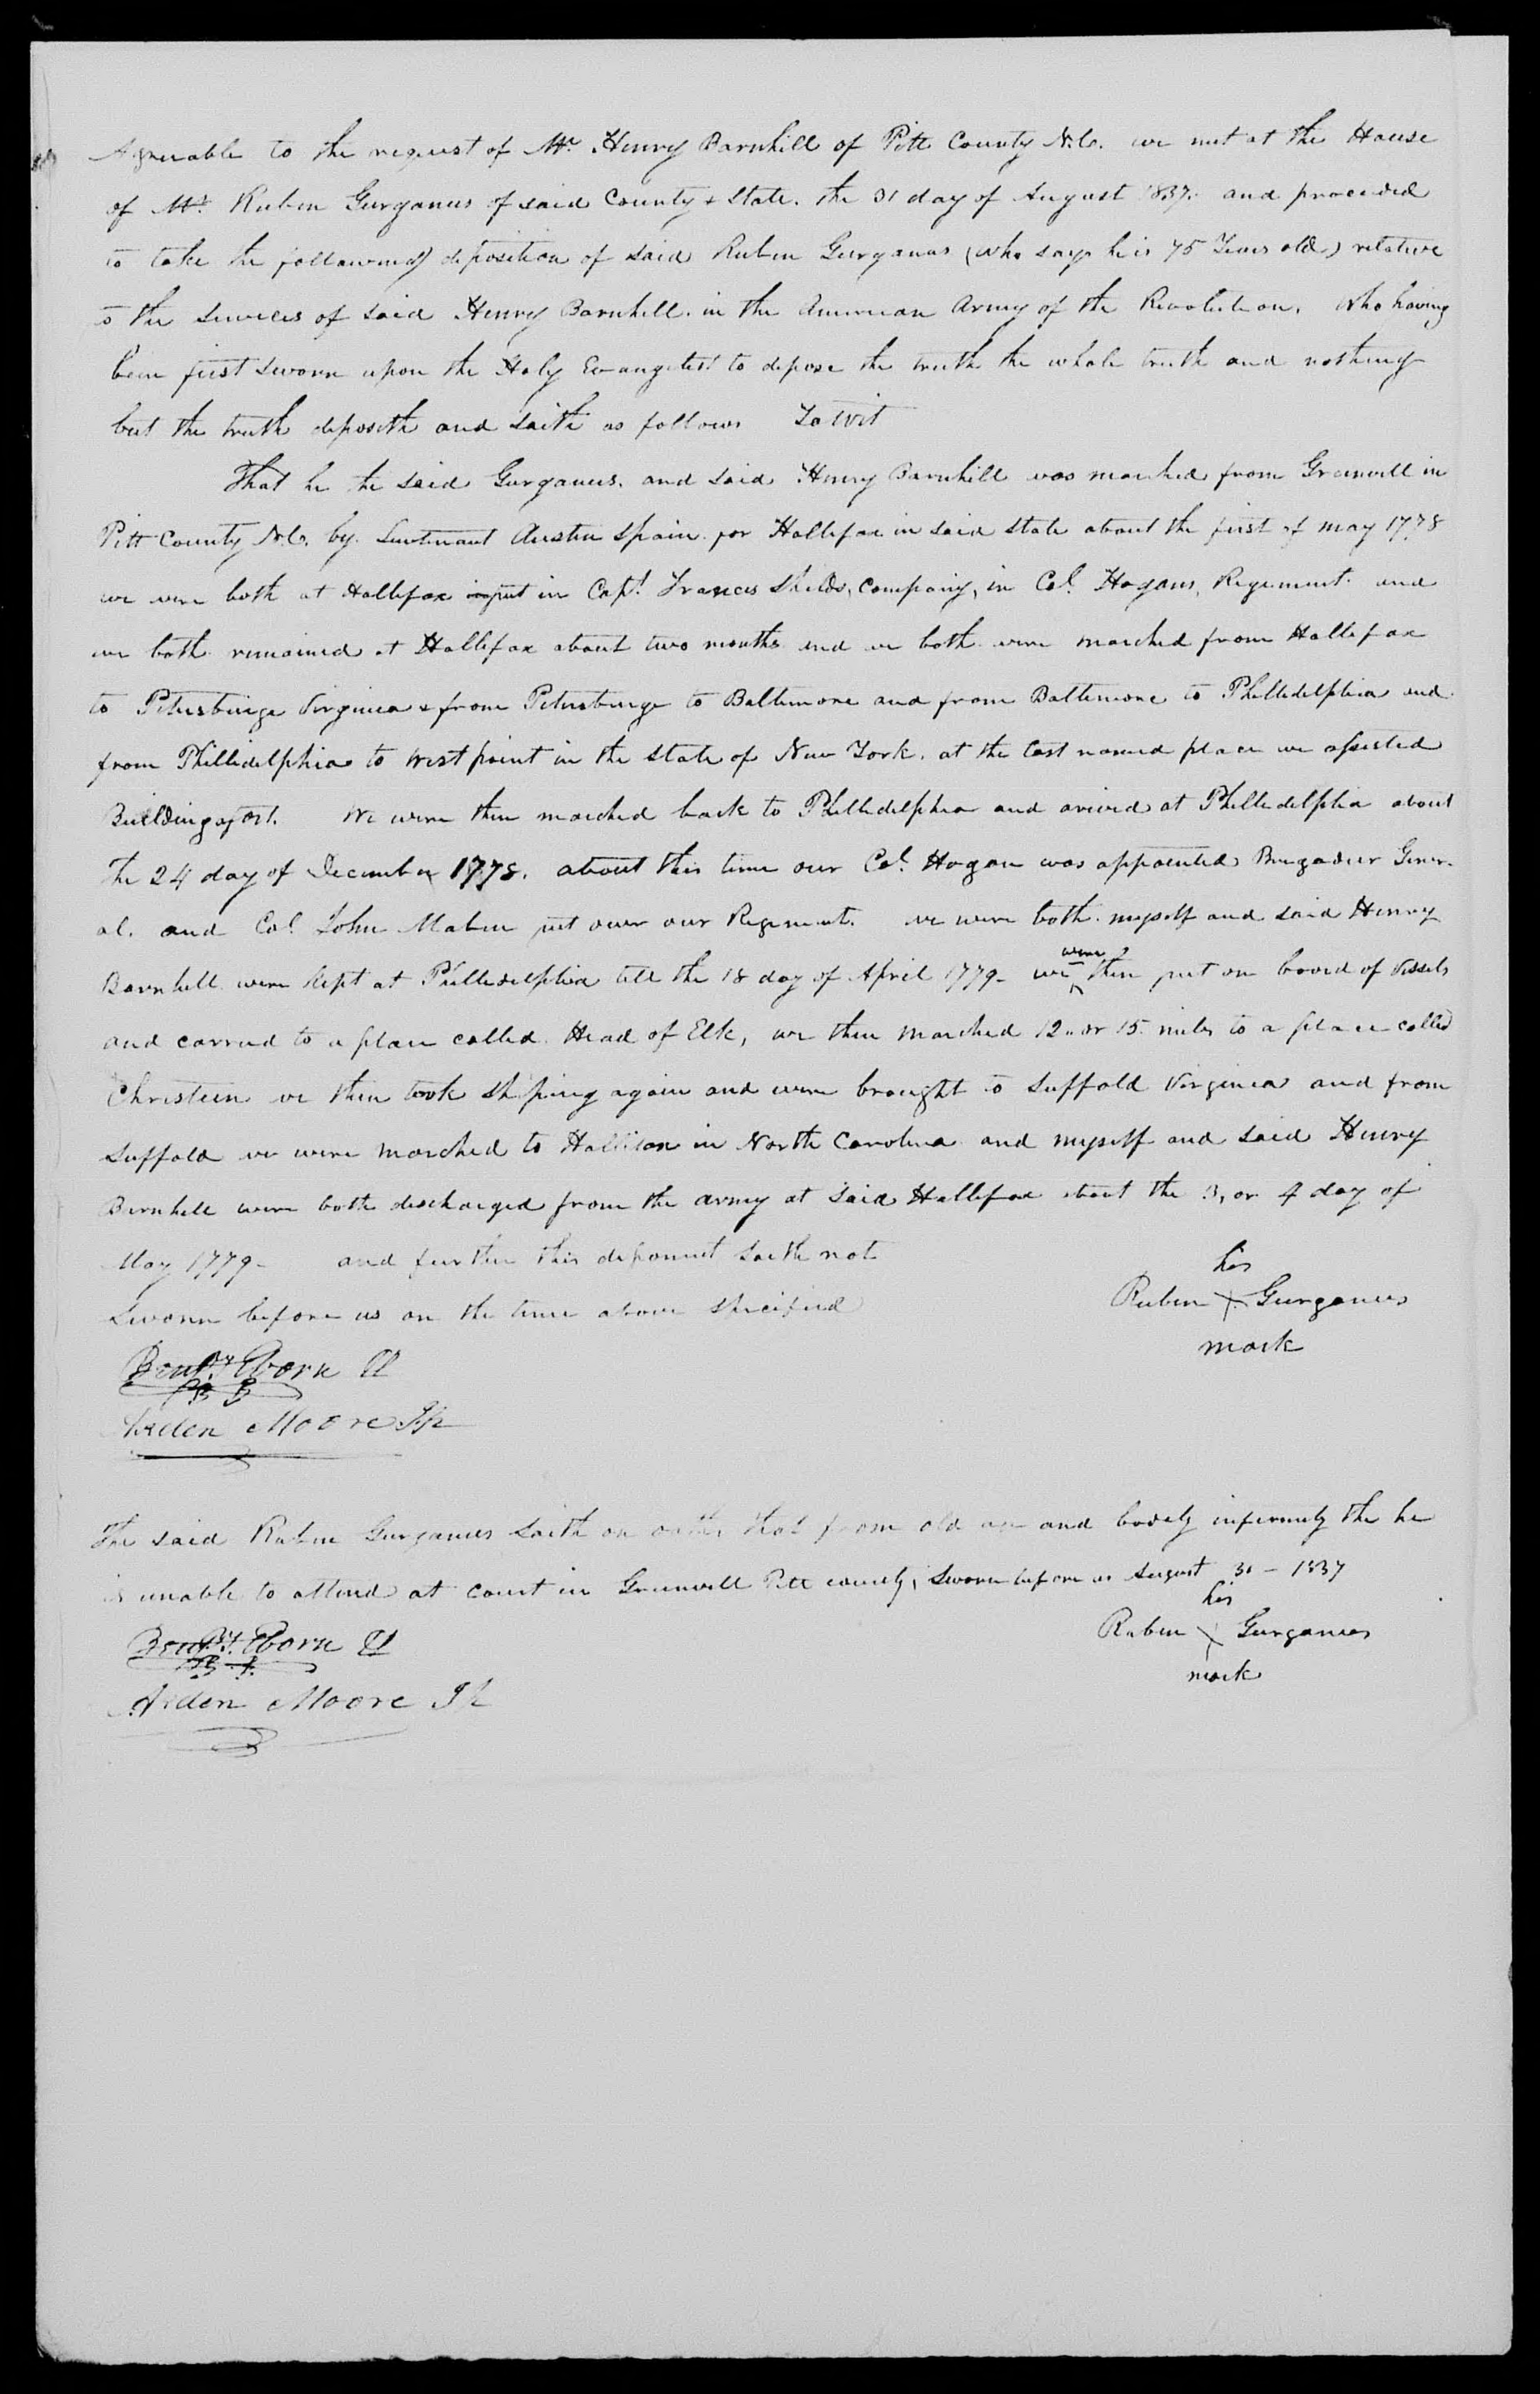Agreeable to the request of Mr. Henry Barnhill of Pitt County N.C. we met at the House of Mr. Ruben [sic: Reuben] Gurganus of said  County & state. the 31 day of August 1837. and proceeded to take the following deposition of said Ruben Gurganus (who says he is 75 years sold) relative to the services of said Henry Barnhill in the American Army of the Revolution. who having been first sworn upon the Holy Evangelist to depose the truth the whole truth and nothing but the truth deposeth and saith as follows To wit

That he the said Gurganus, and said Henry Barnhill was marched from Greenville in Pitt County N.C. by Lieutenant Austin Spain for Hallifax [sic: Halifax] in said state about the first of May 1778 we were both at Hallifax [sic] input in Capt. Francis Shields. Company, in Col. Hogans Regiment, and we both remained at Hallifax [sic] about two months and we both were marched from Hallifax [sic] to Petersburge [sic] Virginia & from Petersburge [sic] to Baltimore and from Baltimore to Philladelphia [sic] and from Philladelphia [sic] to West point in the state of New York. at the last named place we assisted Building a fort. We were then marched back to Philladelphia [sic] and arrived at Philladelphia [sic] about the 24 day of December 1778. about this time our Col. Hogan was appointed Brigadeer [sic] General. and Col. John Maben put over our Regiment. we were both myself and said Henry Barnhill were kept at Philladelphia [sic] till the 18 day of April 1779 - we ^were then put on board of vessels and carried to a place called Head of Elk, we then marched 12.. or 15 miles to a place called Christeen we then took shipping again and were brought to Suffold Virginia and from Suffold we were marched to Hallifax in North Carolina and myself and said Henry Barnhill were both discharged from the army at said Hallifax about the 3, or 4 day of May 1779 - and further this deponent saith not
Ruben [X his mark] Gurganus

Sworn before us on the time above specified
S/Beuf G. Eborn JI
S/Arden Moore J.P


The said Ruben Gurganus Saith on oath, that from old age and bodily infirmity the he is unable to attend at court in Greenville Pitt county, Sworn before us Aug 31 - 1837
S/Beuf G. Eborn JI
S/Arden Moore JP
Ruben [X his mark] Gurganus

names: Hogan, John Maben, Ruben Gurganus, Henry Barnhill, Arden Moore, Austin Spain, Henry Barnhill, Arden Moore, Henry Barnhill, Gurganus, Henry Barnhill, Henry Barnhill, Ruben Gurganus, Ruben Gurganus, Ruben Gurganas, Ruben Gurganus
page: 17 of 42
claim: survivor's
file: S. 6579, Henry Barnhill, N. C.